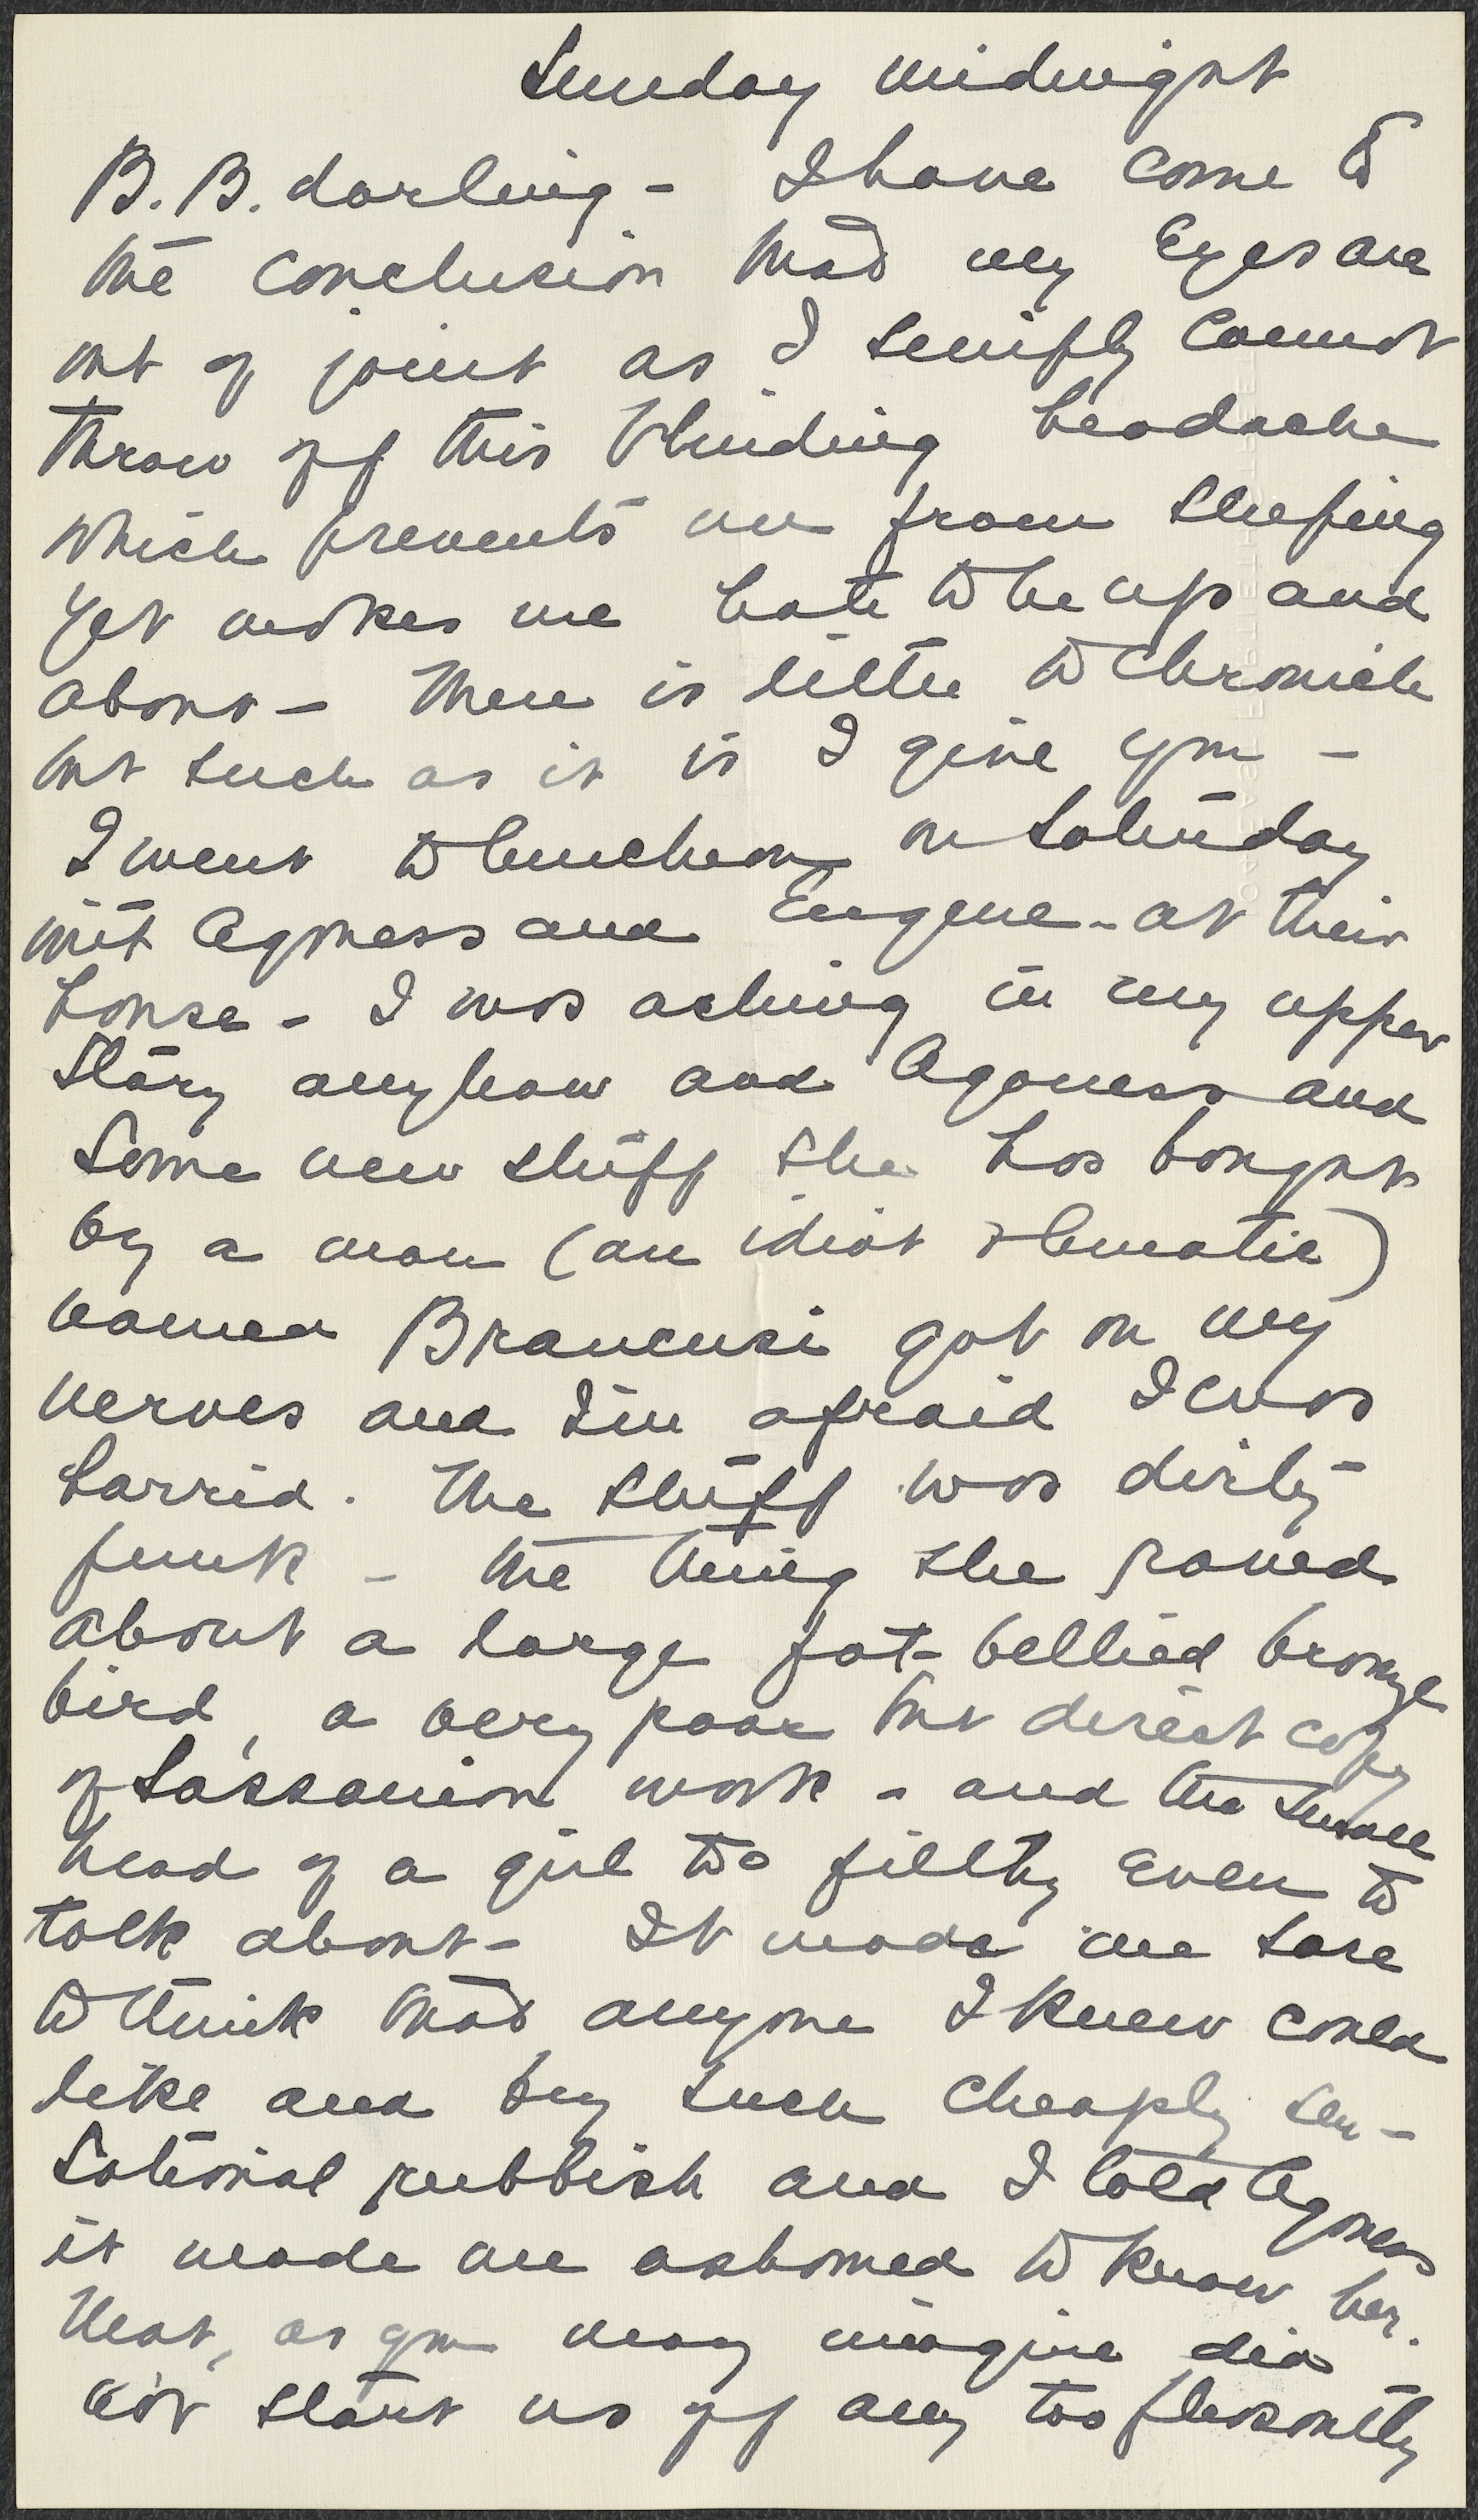Sunday midnight
B.B. darling – I have come to the conclusion that my eyes are out of joint as I simply cannot throw off this blinding headache which prevents me from sleeping yet makes me hate to be up and about – there is little to chronicle but such as it is I give you –
I went to luncheon on Saturday with Agoness and Eugene – at their house – I was aching in my upper story anyhow and Agoness and some new stuff she has bought by a man (an idiot & lunatic) named Brancusi got on my nerves and I’m afraid I was horrid. The stuff was dirty punk – the thing she raved about a large pot-bellied bronze bird, a very poor but direct copy of Sassanian [sic] work – and the small head of a girl too filthy even to talk about – It made me sore to think that anyone I knew could like and buy such cheaply sensational rubbish and I told Agoness it made me ashamed to know her. That, as you may imagine did – not start us off any too pleasantly